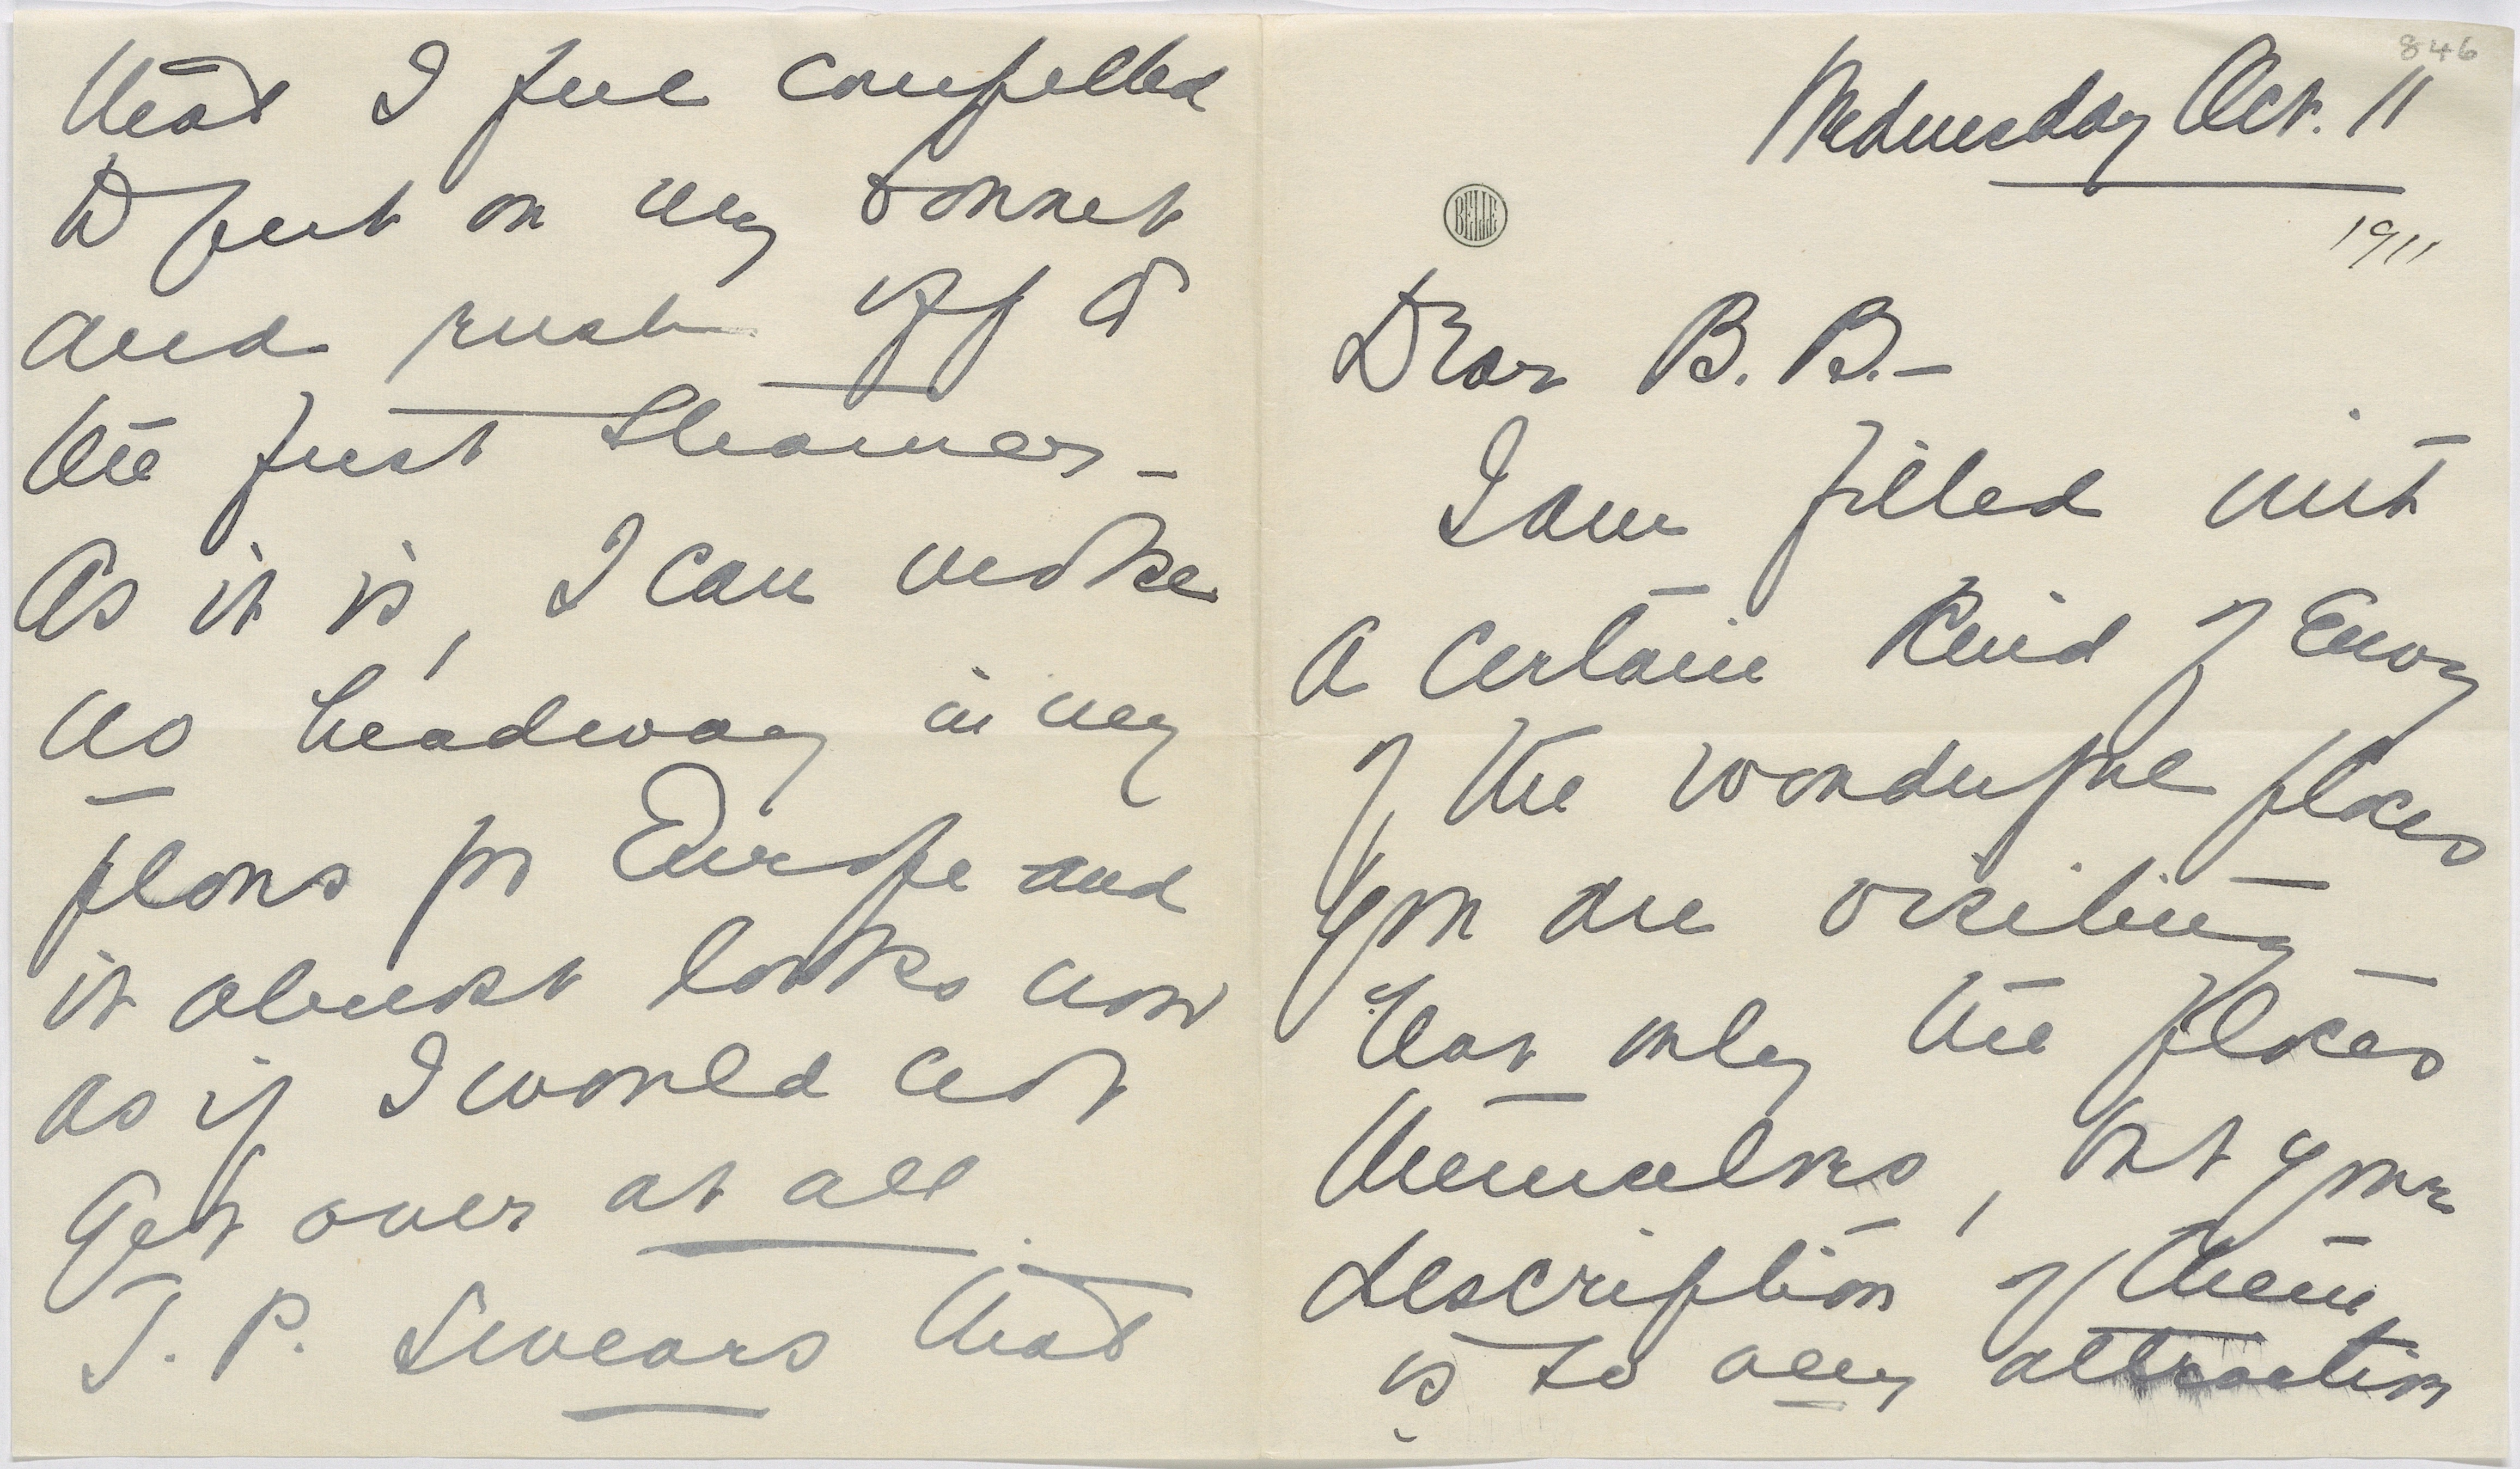Wednesday Oct. 11
Dear B. B. –
I am filled with a certain kind of envy of the wonderful place you are visiting – Not only the places themselves, but your description of them is so very attractive
that I feel compelled to put on my bonnet and rush off to the first steamer – As it is, I can make no headway in my plans for Europe and it almost looks now as if I would not get over at all.
J. P. swears that